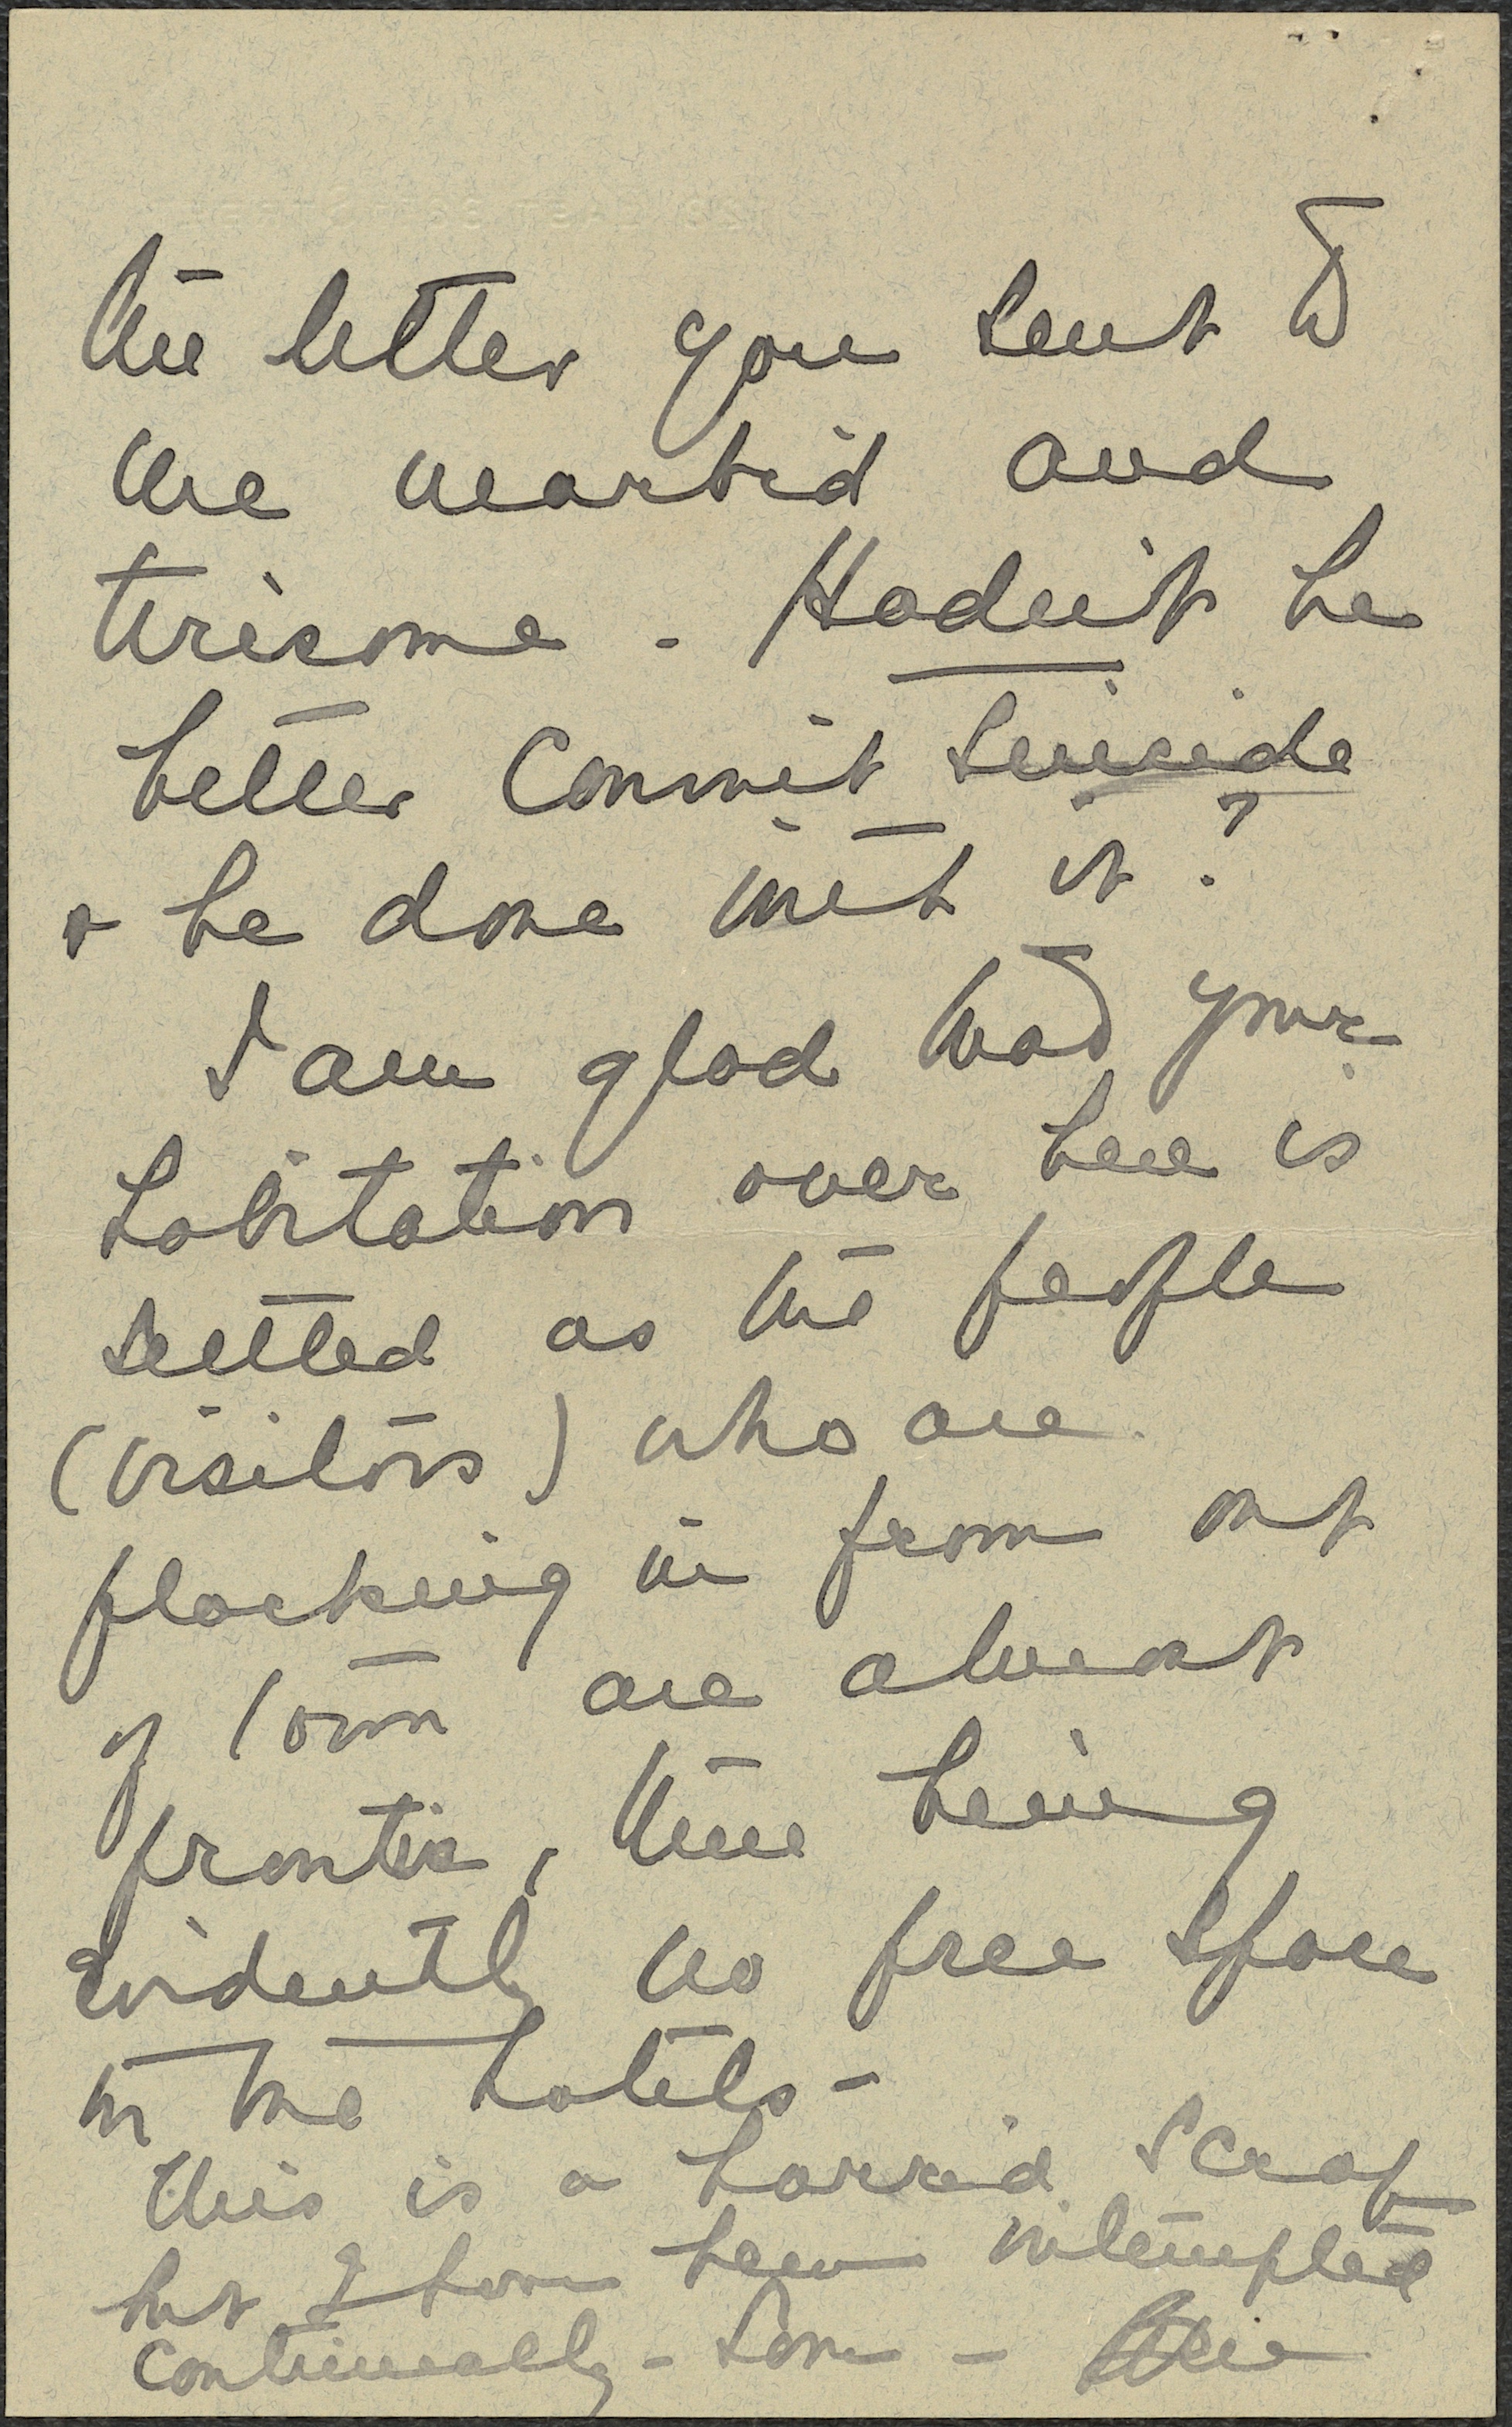the letter you sent to me morbid and tiresome. Hadn't be better commit suicide & be done with it?
I am glad that your habitation over here is settled as the people (visitors) who are flocking in from out of town are almost frantic, there being evidently no free place in the hotels –
This is a horrid scrap but I have been interrupted continuously – Love – Belle